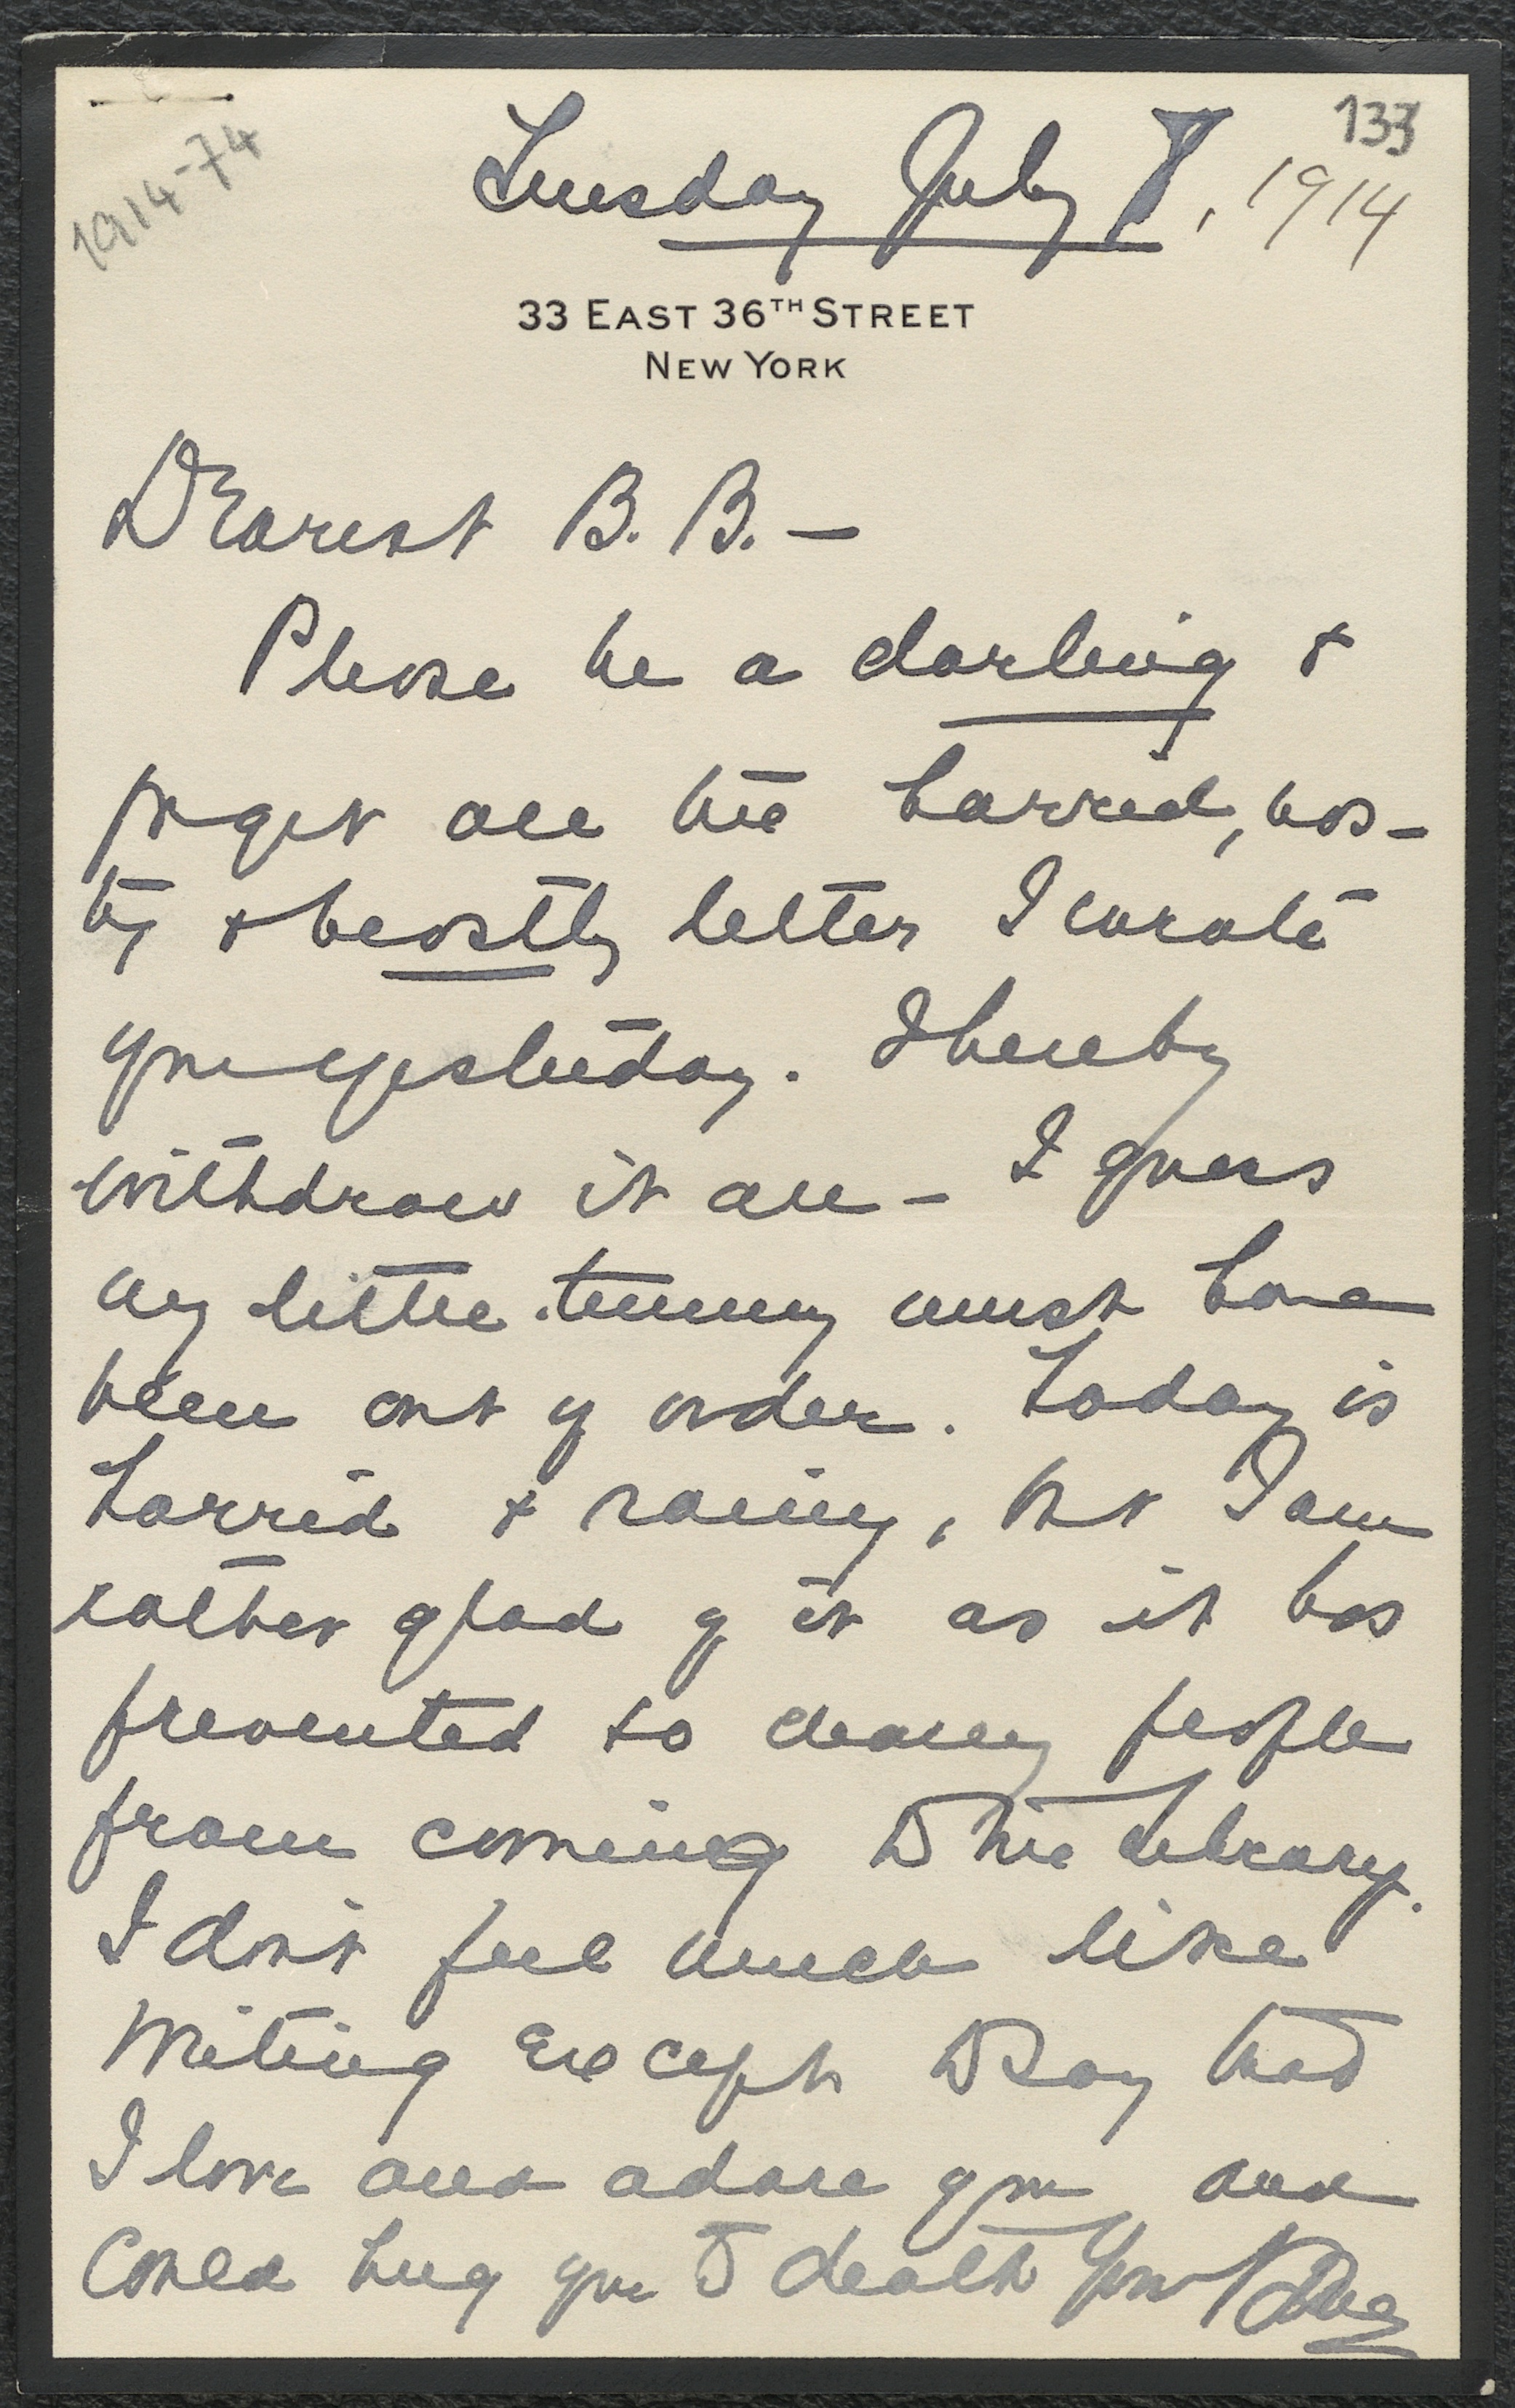Tuesday, July 7
Dearest B. B. –
Please be a darling & forget all the horrid, nasty & beastly letter I wrote you yesterday. I hereby withdraw it all – I guess my little tummy must have been out of order. Today is horrid & rainy, but I am rather glad of it as it has prevented so many people from coming to the Library. I don’t feel much like writing except to say that I love and adore you and could hug you to death Your Belle